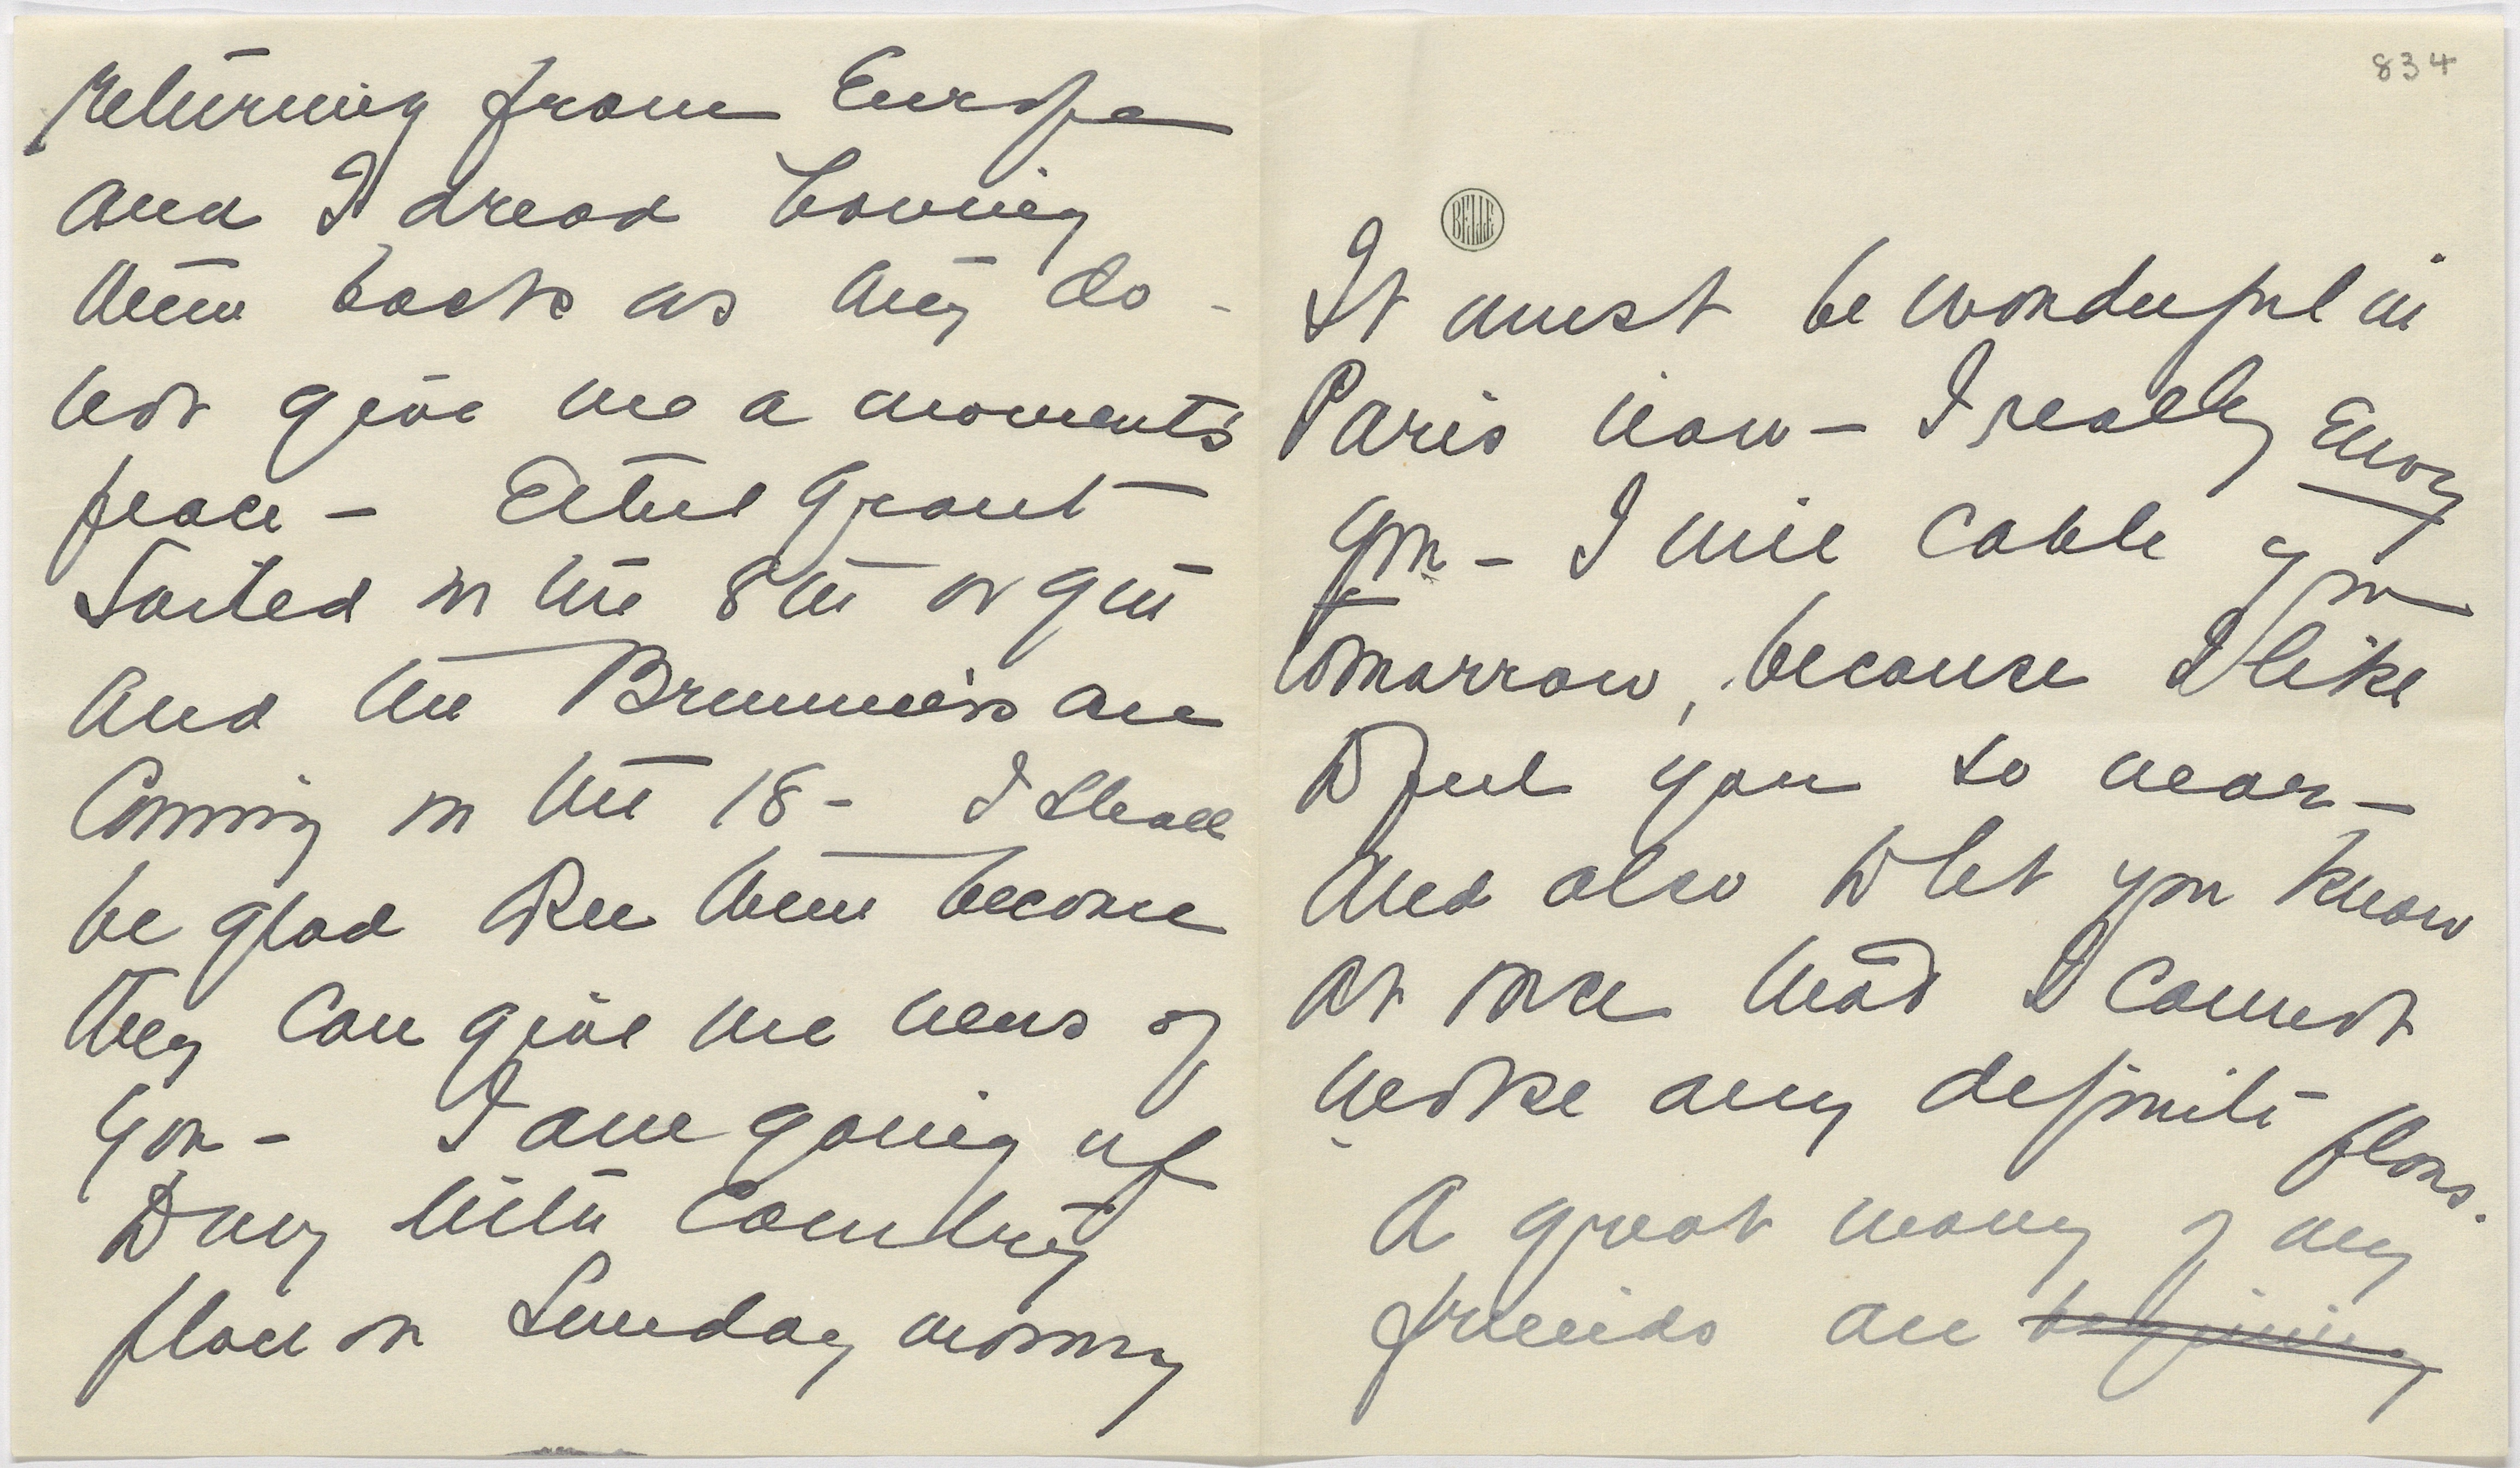It must be wonderful in Paris now – I really envy you – I will cable you tomorrow, because I like to feel you so near – and also to let you know at once that I cannot make any definite plans.
A great many of my friends are beginning
returning from Europe and I dread having them back as they do not give me a moment’s peace – Ethel Grant sailed on the 8th or 9th and the Brunner’s are coming on the 18 – I shall be glad to see them because they can give me news of you – I am going up to my little country place on Sunday morning